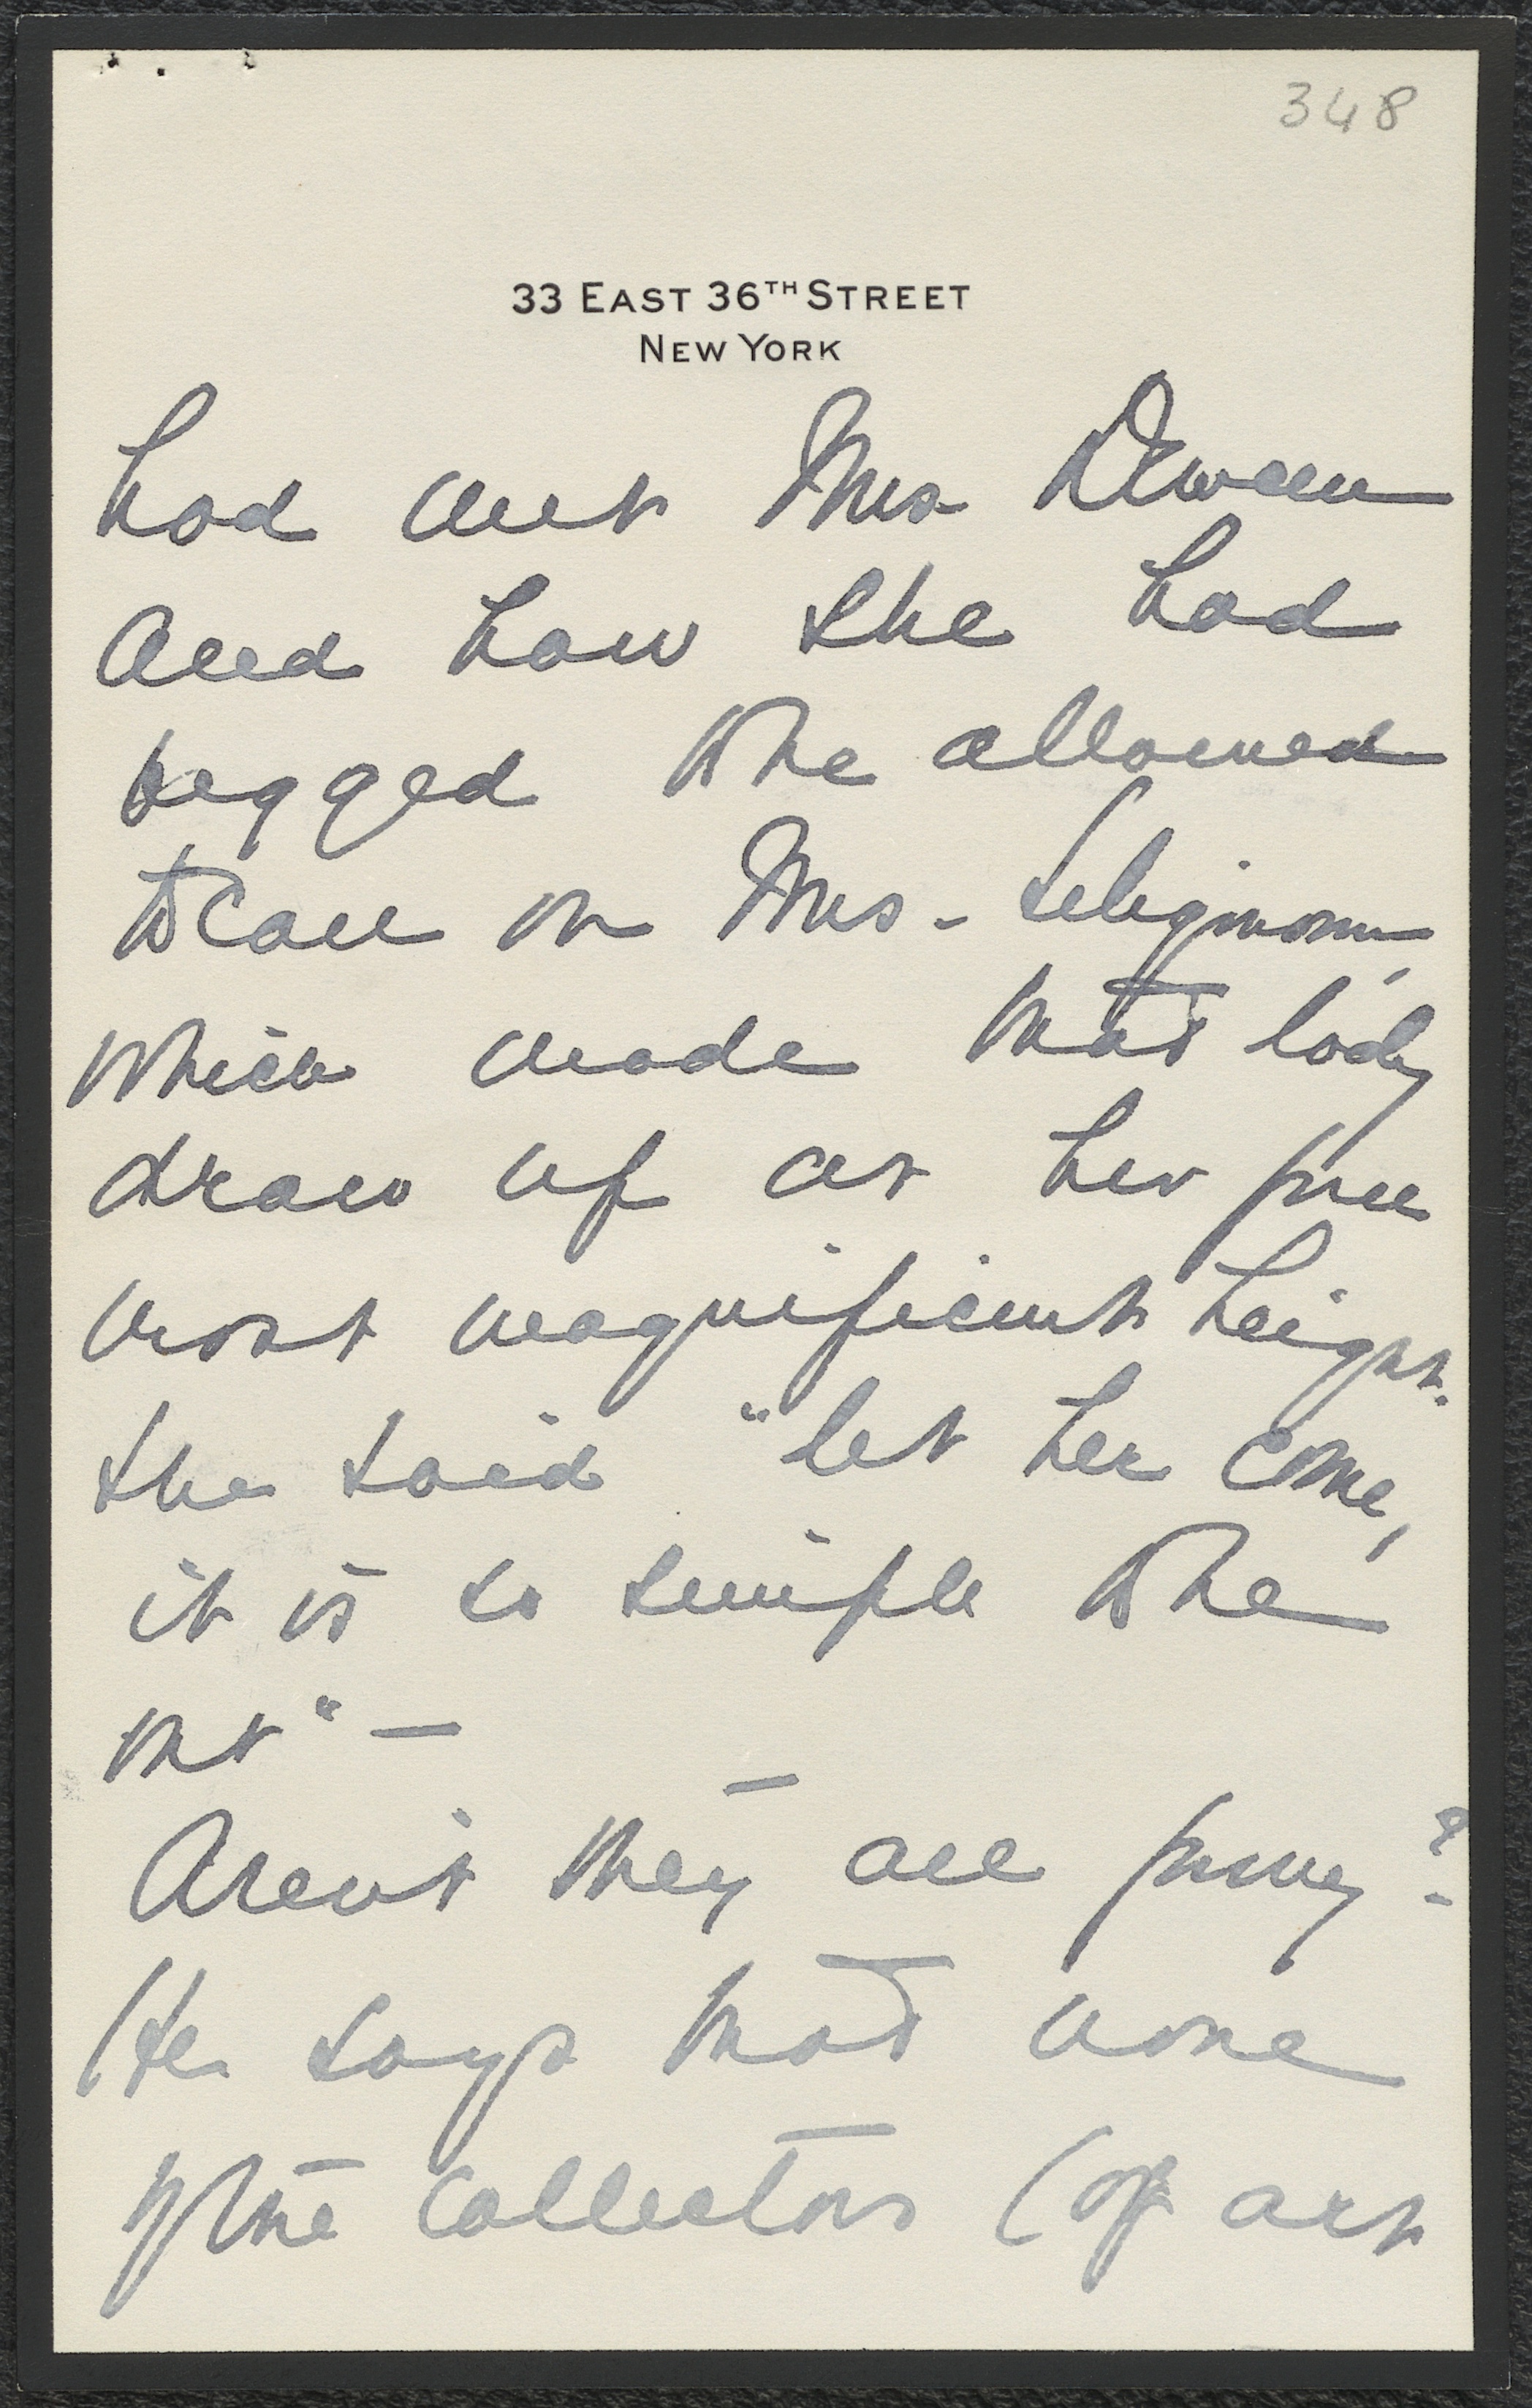had met Mrs. Duveen and how she had begged to be allowed to call on Mrs. Seligmann, which made that lady draw up at her full most magnificent height. She said “let her come, it is so simple to be out” –
Aren’t they all funny? He says that none of the collectors (of art